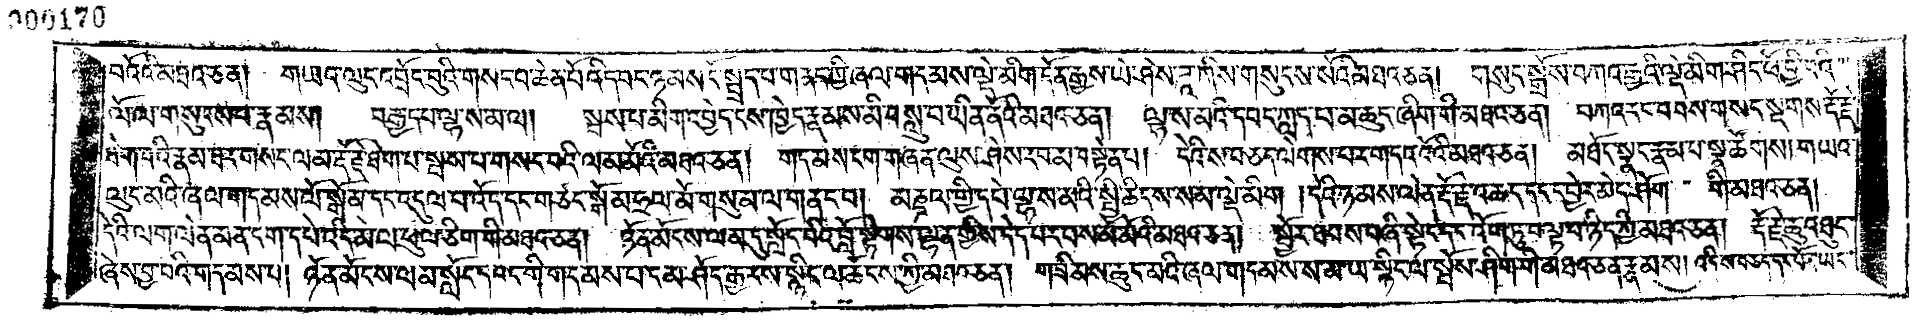བའོའི་མཐའ་ཅན། གཡའ་ལུང་འབྲོང་བུའི་གསང་བ་ཆེན་པོའི་དབང་ཉམས་ངོ་སྤྲད་པ་གནད་ཀྱི་ཞལ་གདམས་ལྡེ་མིག་དོན་རྒྱས་ཡེ་ཤེས་ཌཱ་ཀིས་གསུངས་སོའི་མཐའ་ཅན། གསུང་སྒྲོས་བཀའ་རྒྱའི་ལྡེ་མིག་ཤིང་ཕོ་བྱི་བའི་
ལོ་ལ་གསུངས་པ་རྣམས། བརྒྱད་པ་ལྷ་ས་མ་ལ། སྦས་པ་མིག་འབྱེད་ངེས་ཁྱེད་རྣམས་མི་བསླུ་བ་ཡིན་ནོའི་མཐའ་ཅན། ལྷ་ས་མའི་དབང་ཀླད་པ་མ་ཆུང་ཞིག་གི་མཐའ་ཅན། བཀའ་རང་བབས་གསང་སྔགས་རྡོ་རྗེ་
ཐེག་བའི་རྣམ་ཐར་གསང་ལམ་རྡོ་རྗེ་ཐེག་པ་སྦས་པ་གསང་བའི་ལམ་མོའི་མཐའ་ཅན། གདམས་ངག་གཞན་ལུས་ཤེས་རབ་མ་བསྟེན་པ། དེའི་ས་བཅད་ལེགས་པར་གདའ་འོའི་མཐའ་ཅན། མཐོང་སྣང་རྣམ་པ་སྣ་ཚོགས། གཡའ་
ལུང་མའི་ཞལ་གདམས་ལོ་སྒོམ་དང་འདུལ་བ་འོད་དང་གཙང་སྒོམ་ཧྲལ་མོ་གསུམ་ལ་གནང་བ། མཎྜལ་གྱི་དཔེ་ལྷ་ས་མའི་སྤྱི་ཆིངས་སམ་ལྡེ་མིག །དེའི་ཉམས་ལེན་རྡོ་རྗེ་འཆང་དང་དབྱེར་མེད་ཤོག་གི་མཐའ་ཅན།
དེའི་ལག་ལེན་མན་ངག་དཔེ་འདི་མ་ལ་ཕུལ་ཅིག་གི་མཐའ་ཅན། ཉོན་མོངས་ལམ་དུ་སློང་བའི་བློ་སྟེགས་ལྷན་གྱིས་དེད་པར་བསམ་མོའི་མཐའ་ཅན། སྦྱོར་ཐབས་བཞི་སྟེང་དང་འོག་ཏུ་བལྟ་བ་ཉིད་ཀྱི་མཐའ་ཅན། རྡོ་རྗེ་ཆུ་འཐུང་
ཞེས་བྱ་བའི་གདམས་པ། ཉོན་མོངས་ལམ་སློང་དབང་གི་གདམས་པ་ངམ་ཤོད་རྒྱ་རས་སྙིང་ལ་ཚོངས་ཀྱི་མཐའ་ཅན། གཟིམས་ཆུང་མའི་ཞལ་གདམས་ས་མ་ཡ་སྙིང་ལ་སྦོས་ཤིག་གི་མཐའ་ཅན་རྣམས། འདི་ས་བཅད་དང་པོར་ཡང